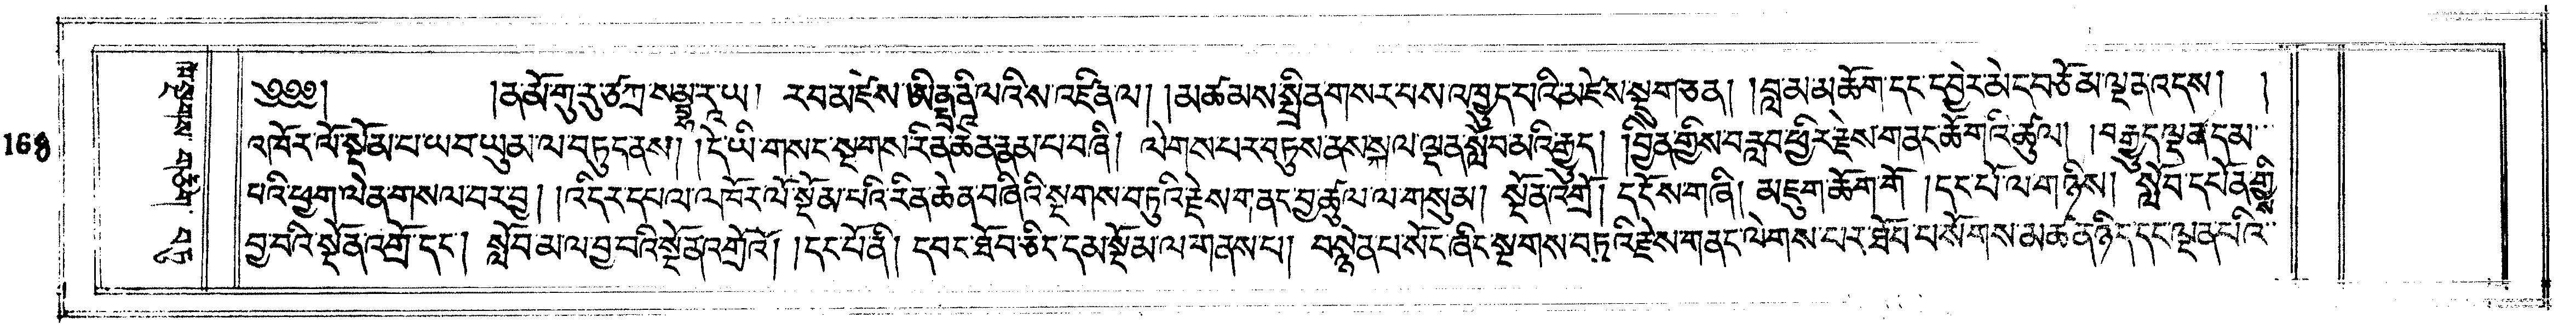༄༅༅། །ན་མོ་གུ་རུ་ཙ་ཀྲ་སམྦྷ་རཱ་ཡ། རབ་མཛེས་ཨིནྡྲ་ནཱི་ལའི་ས་འཛིན་ལ། །མཚམས་སྤྲིན་གསར་པས་འཁྱུད་པའི་མཛེས་སྡུག་ཅན། །བླ་མ་མཆོག་དང་དབྱེར་མེད་བཅོམ་ལྡན་འདས། །
འཁོར་ལོ་སྡོམ་པ་ཡབ་ཡུམ་ལ་བཏུད་ནས། །དེ་ཡི་གསང་སྔགས་རིན་ཆེན་རྣམ་པ་བཞི། ལེགས་པར་བཏུས་ནས་སྐལ་ལྡན་སློབ་མའི་རྒྱུད། །བྱིན་གྱིས་བརླབ་ཕྱིར་རྗེས་གནང་ཆོ་གའི་ཚུལ། །བརྒྱུད་ལྡན་དམ་
པའི་ཕྱག་ལེན་གསལ་བར་བྱ། །འདིར་དཔལ་འཁོར་ལོ་སྡོམ་པའི་རིན་ཆེན་བཞིའི་སྔགས་བཏུའི་རྗེས་གནང་བྱ་ཚུལ་ལ་གསུམ། སྔོན་འགྲོ། དངོས་གཞི། མཇུག་ཆོག་གོ །དང་པོ་ལ་གཉིས། སློབ་དཔོན་གྱིས་
བྱ་བའི་སྔོན་འགྲོ་དང་། སློབ་མ་ལ་བྱ་བའི་སྔོན་འགྲོའོ། །དང་པོ་ནི། དབང་ཐོབ་ཅིང་དམ་སྡོམ་ལ་གནས་པ། བསྙེན་པ་སོང་ཞིང་སྔགས་བཏུའི་རྗེས་གནང་ལེགས་པར་ཐོབ་པ་སོགས་མཚན་ཉིད་དང་ལྡན་པའི་